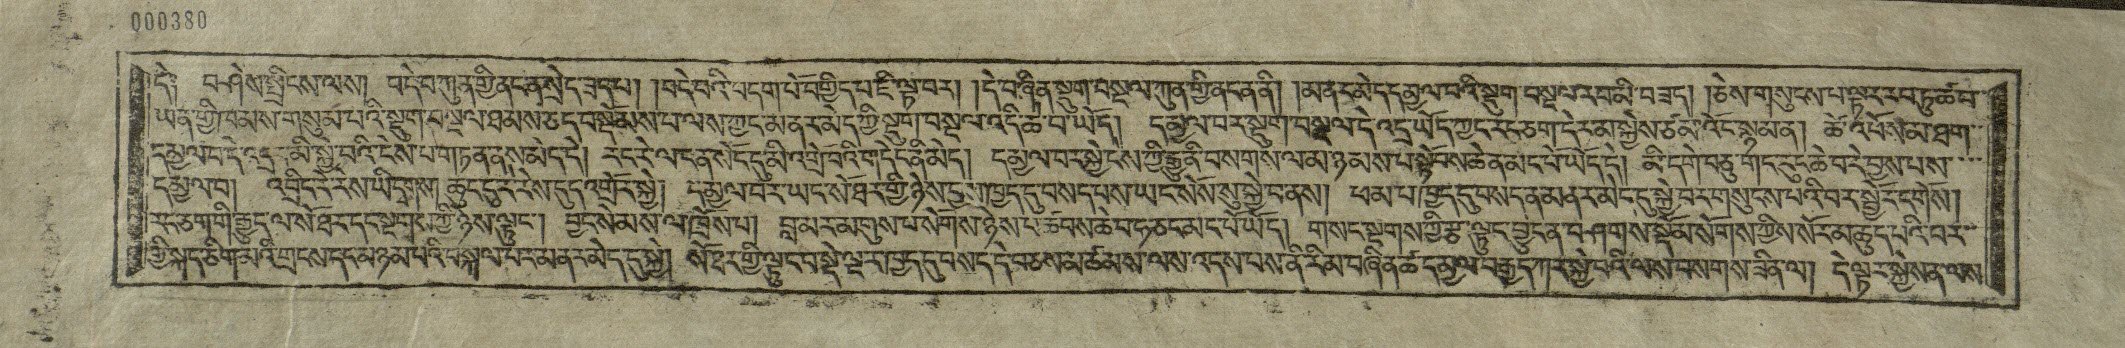དེ༑ བཤེས་སྤྲིངས་ལས། བདེ་བ་ཀུན་གྱི་ནང་ན་སྲེད་ཟད་པ། །བདེ་བའི་བདག་པོ་བགྱིད་པ་ཇི་ལྟ་བར། །དེ་བཞིན་སྡུག་བསྔལ་ཀུན་གྱི་ནང་ན་ནི། །མནར་མེད་དམྱལ་བའི་སྡུག་བསྔལ་རབ་མི་བཟད། །ཅེས་གསུངས་པ་ལྟར་རབ་ཏུ་ཚ་བ་
ཡིན་གྱི་ཁམས་གསུམ་པའི་སྡུག་བསྔལ་ཐམས་ཅད་བསྡོམས་པ་ལས་ཀྱང་མནར་མེད་ཀྱི་སྡུག་བསྔལ་འདི་ཆེ་བ་ཡོད། དམྱལ་བར་སྡུག་བསྔལ་དེ་འདྲ་ཡོད་ཀྱང་རང་ཅག་དེར་མ་སྐྱེས་ཙམ་འོང་སྙམ་ན། ཚེ་འཕོས་མ་ཐག་
དམྱལ་བ་དེ་འདྲར་མི་སྐྱེ་བའི་ངེས་པ་གཏན་ནས་མེད་དེ། རང་རེ་ལ་ངན་སོང་དུ་མི་འགྲོ་བའི་གདེང་ནི་མེད། དམྱལ་བར་སྐྱེ་ངེས་ཀྱི་རྒྱུ་ནི་བསྒགས་ལ་མ་ཉམས་པ་སྟོབས་ཆེན་མང་པོ་ཡོད་དེ། མི་དགེ་བཅུ་གང་རུང་ཆེ་བ་རེ་བྱས་པས་
དམྱལ་བ། འབྲིང་རེ་རེས་ཡི་དྭགས། ཆུང་ངུ་རེ་རེས་དུད་འགྲོར་སྐྱེ། དམྱལ་བར་ཡང་སོ་ཐར་གྱི་ཉེས་བྱས་ཁྱད་དུ་བསད་པས་ཡང་སོས་སུ་སྐྱེ་བ་ནས། ཕམ་པ་ཁྱད་དུ་བསད་ན་མནར་མེད་དུ་སྐྱེ་བར་གསུངས་པའི་བར་སྦྱོར་དགོས།
རང་ཅག་གི་རྒྱུད་ལ་སོ་ཐར་དང་སྔགས་ཀྱི་ཉེས་ལྟུང་། བྱང་སེམས་ལ་ཁྲོས་པ། བླ་མར་མགུས་པ་སོགས་ཉེས་པ་ཚབས་ཆེ་བ་ཧ་ཅང་མང་པོ་ཡོད། གསང་སྔགས་ཀྱི་རྩ་ལྟུང་བྱུང་ན་བཤགས་སྡོམ་སོགས་ཀྱིས་སོར་མ་ཆུད་པའི་བར་
གྱི་སྐད་ཅིག་མའི་གྲངས་དང་མཉམ་པའི་བསྐལ་པར་མནར་མེད་དུ་སྐྱེ། སོ་ཐར་གྱི་ལྟུང་བ་སྡེ་ལྔར་ཁྱད་དུ་བསད་དེ་བཅས་མཚམས་ལས་འདས་པས་ནི་རིམ་བཞིན་ཚ་དམྱལ་བརྒྱད་ཀར་སྐྱེ་བའི་ལས་བསགས་ཟིན་ལ། དེ་ལྟར་སྐྱེས་ན་ལས་